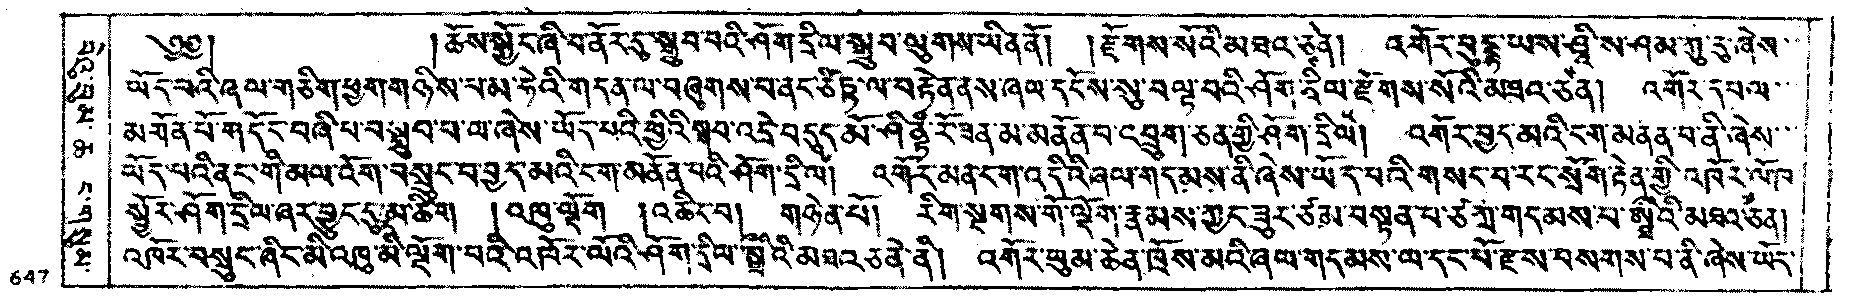༄༅། །ཆོས་སྐྱོང་ཞི་བ་ནོར་དུ་སྒྲུབ་པའི་ཤོག་དྲིལ་སྒྲུབ་ལུགས་ཡིན་ནོ། །རྫོགས་སོའི་མཐའ ༣་ཅན ༤། འགོར་བུདྡྷ་ཡས་ཤྲཱི་ས་ཤམ་ཀུ་རུ་ཞེས་
ཡོད་པའི་ཞལ་གཅིག་ཕྱག་གཉིས་པ་མ་ཧེའི་གདན་ལ་བཞུགས་པ་ནང་ཙིཏྟ་ལ་བརྟེན་ནས་ཞལ་དངོས་སུ་བལྟ་བའི་ཤོག་དྲིལ་རྫོགས་སོའི་མཐའ་ཅན ༤། འགོར་དཔལ་
མགོན་པོ་གདོང་བཞི་པ་བསྒྲུབ་པ་ལ་ཞེས་ཡོད་པའི་ཕྱིའི་སྒབ་འདྲེ་བདུད་མོ་ཤིནྟཾ་རོ་ཟན་མ་མནོན་པ་འབྲུག་ཅན་གྱི་ཤོག་དྲིལ ༥། འགོར་བྱད་མའི་ངག་མནན་པ་ནི་ཞེས་
ཡོད་པའི་ནང་གི་མལ་འོག་བསྲུང་བ་བྱད་མའི་ངག་མནོན་པའི་ཤོག་དྲིལ ༦། འགོར་མན་ངག་འདིའི་ཞལ་གདམས་ནི་ཞེས་ཡོད་པའི་གསང་བ་རང་སྲོག་རྟེན་གྱི་འཁོར་ལོ་ཁ་
སྦྱོར་ཤོག་དྲིལ་ཞར་བྱུང་དུ་དམ་ཚིག །འཁུ་ལྡོག །འཆིང་བ། གཉེན་པོ། རིག་སྔགས་གོ་ལྡོག་རྣམས་ཀྱང་ཟུར་ཙམ་བསྟན་པ་ཙཀྲ་གདམས་པ་ཨྀཐིའི་མཐའ་ཅན ༧།
འཁོར་བསྲུང་ཞིང་མི་འཁུ་མི་ལྡོག་པའི་འཁོར་ལོའི་ཤོག་དྲིལ་ཨྀཐིའི་མཐའ་ཅན་ནི། འགོར་ཡུམ་ཆེན་ཁྲོས་མའི་ཞལ་གདམས་ལ་དང་པོ་རྫས་བསགས་པ་ནི་ཞེས་ཡོད་